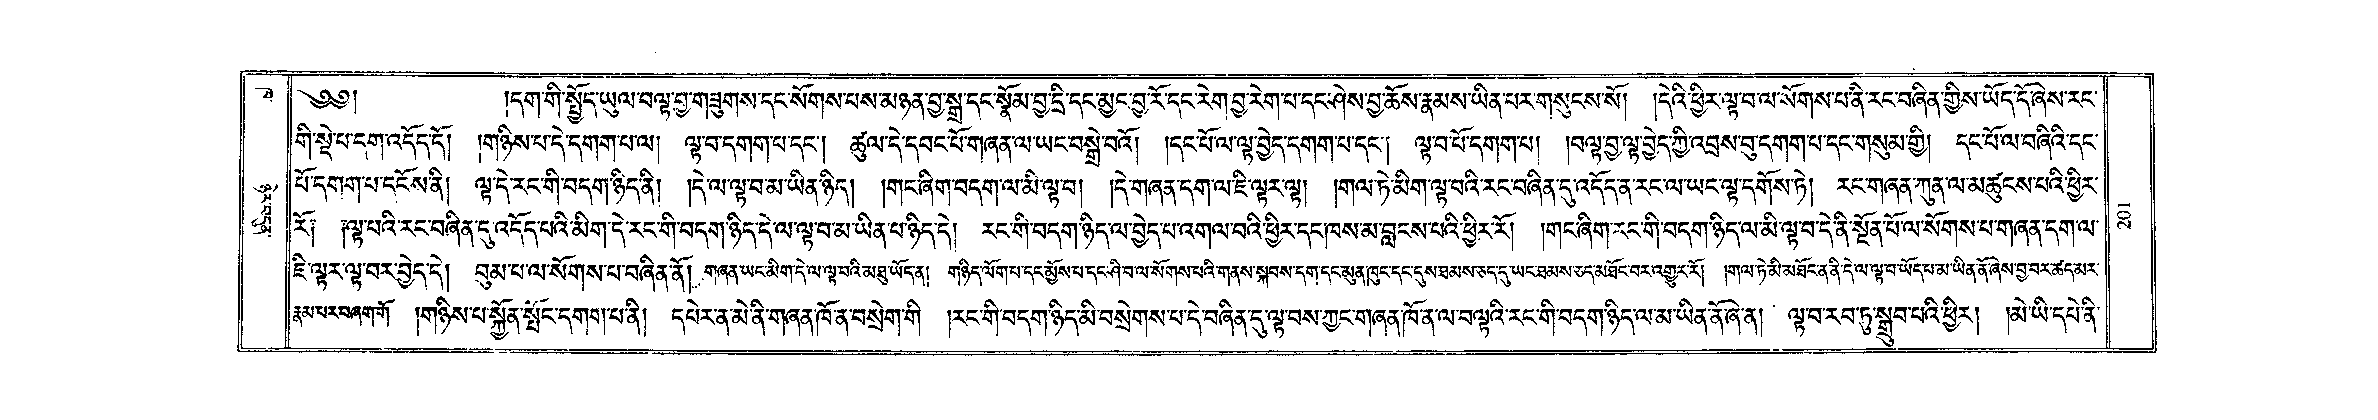༄༅། །དག་གི་སྤྱོད་ཡུལ་བལྟ་བྱ་གཟུགས་དང་སོགས་པས་མཉན་བྱ་སྒྲ་དང་སྣོམ་བྱ་དྲི་དང་མྱང་བྱ་རོ་དང་རེག་བྱ་རེག་པ་དང་ཤེས་བྱ་ཆོས་རྣམས་ཡིན་པར་གསུངས་སོ། །དེའི་ཕྱིར་ལྟ་བ་ལ་སོགས་པ་ནི་རང་བཞིན་གྱིས་ཡོད་དོ་ཞེས་རང་
གི་སྡེ་པ་དག་འདོད་དོ། །གཉིས་པ་དེ་དགག་པ་ལ། ལྟ་བ་དགག་པ་དང་། ཚུལ་དེ་དབང་པོ་གཞན་ལ་ཡང་བསྒྲེ་བའོ། །དང་པོ་ལ་ལྟ་བྱེད་དགག་པ་དང་། ལྟ་བ་པོ་དགག་པ། །བལྟ་བྱ་ལྟ་བྱེད་ཀྱི་འབྲས་བུ་དགག་པ་དང་གསུམ་གྱི། དང་པོ་ལ་བཞིའི་དང་
པོ་དགག་པ་དངོས་ནི། ལྟ་དེ་རང་གི་བདག་ཉིད་ནི། །དེ་ལ་ལྟ་བ་མ་ཡིན་ཉིད། །གང་ཞིག་བདག་ལ་མི་ལྟ་བ། །དེ་གཞན་དག་ལ་ཇི་ལྟར་ལྟ། །གལ་ཏེ་མིག་ལྟ་བའི་རང་བཞིན་དུ་འདོད་ན་རང་ལ་ཡང་ལྟ་དགོས་ཏེ། རང་གཞན་ཀུན་ལ་མཚུངས་པའི་ཕྱིར་
རོ༑ ༑ལྟ་བའི་རང་བཞིན་དུ་འདོད་པའི་མིག་དེ་རང་གི་བདག་ཉིད་དེ་ལ་ལྟ་བ་མ་ཡིན་པ་ཉིད་དེ། རང་གི་བདག་ཉིད་ལ་བྱེད་པ་འགལ་བའི་ཕྱིར་དང་ཁས་མ་བླངས་པའི་ཕྱིར་རོ། །གང་ཞིག་རང་གི་བདག་ཉིད་ལ་མི་ལྟ་བ་དེ་ནི་སྔོན་པོ་ལ་སོགས་པ་གཞན་དག་ལ་
ཇི་ལྟར་ལྟ་བར་བྱེད་དེ། བུམ་པ་ལ་སོགས་པ་བཞིན་ནོ། གཞན་ཡང་མིག་དེ་ལ་ལྟ་བའི་མཐུ་ཡོད་ན། གཉིད་ལོག་པ་དང་མྱོས་པ་དང་ཤི་བ་ལ་སོགས་པའི་གནས་སྐབས་དག་དང་མུན་ཁུང་དང་དུས་ཐམས་ཅད་དུ་ཡང་ཐམས་ཅད་མཐོང་བར་འགྱུར་རོ། །གལ་ཏེ་མི་མཐོང་ན་ནི་དེ་ལ་ལྟ་བ་ཡོད་པ་མ་ཡིན་ནོ་ཞེས་བྱ་བར་ཚད་མར་
རྣམ་པར་བཞག་གོ །གཉིས་པ་སྐྱོན་སྤོང་དགག་པ་ནི། དཔེར་ན་མེ་ནི་གཞན་ཁོ་ན་བསྲེག་གི །རང་གི་བདག་ཉིད་མི་བསྲེགས་པ་དེ་བཞིན་དུ་ལྟ་བས་ཀྱང་གཞན་ཁོ་ན་ལ་བལྟའི་རང་གི་བདག་ཉིད་ལ་མ་ཡིན་ནོ་ཞེ་ན། ལྟ་བ་རབ་ཏུ་སྒྲུབ་པའི་ཕྱིར། །མེ་ཡི་དཔེ་ནི་